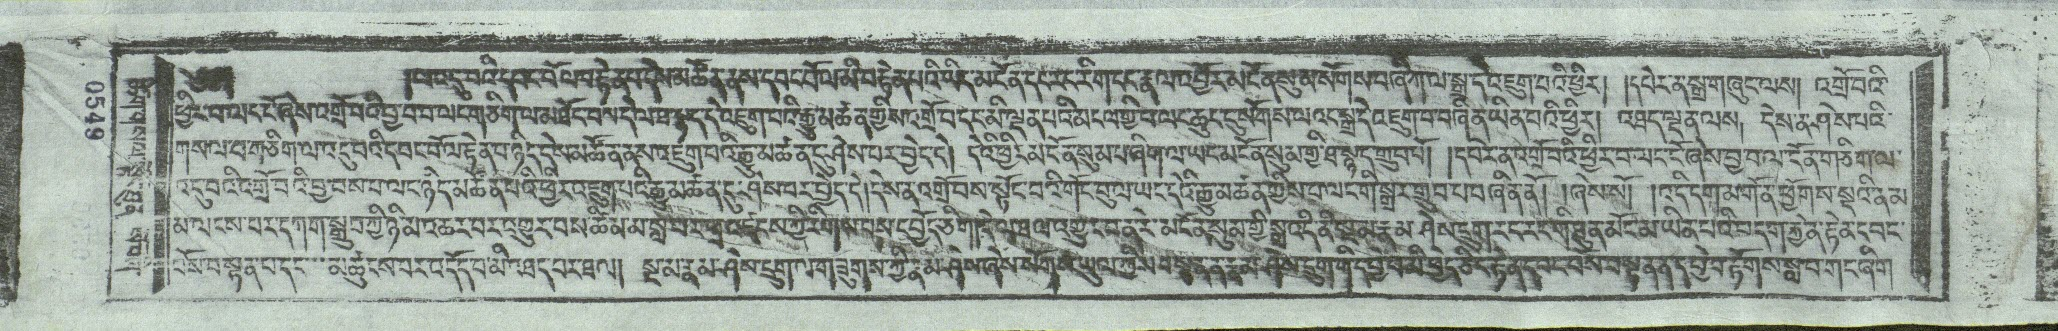༄༅། །ལ་འདུ་བའི་དབང་པོ་ལ་བརྟེན་པ་དེས་མཚོན་ནས་དབང་པོ་ལ་མི་བརྟེན་པའི་ཡིད་མངོན་དང་རང་རིག་དང་རྣལ་འབྱོར་མངོན་སུམ་སོགས་བཞི་ཀ་ལ་སྒྲ་དེ་འཇུག་པའི་ཕྱིར། །དཔེར་ན་སྒྲ་གཞུང་ལས། འགྲོ་བའི་
ཕྱིར་བ་ལང་ངོ་ཞེས་འགྲོ་བའི་བྱ་བ་བ་ལང་གཅིག་ལ་མཐོང་བས་དེ་ལ་ཐ་སྙད་དེ་འཇུག་པའི་རྒྱུ་མཚན་གྱིས་འགྲོ་བ་དང་མི་ལྡན་པའི་མངལ་གྱི་བ་ལང་ཆུང་ངུ་སོགས་ལའང་སྒྲ་དེ་འཇུག་པ་བཞིན་ཡིན་པའི་ཕྱིར། འཐད་ལྡན་ལས། དེས་ན་ཤེས་པའི་
གསལ་བ་གཅིག་ལ་འདུ་བའི་དབང་པོ་ལ་རྟེན་པ་ཉིད་དེས་མཚོན་ནས་འཇུག་པའི་རྒྱུ་མཚན་དུ་ཤེས་པར་བྱེད་དེ། དེའི་ཕྱིར་མངོན་སུམ་པ་ཞིག་ལ་ཡང་མངོན་སུམ་གྱི་ཐ་སྙད་གྲུབ་པོ། །དཔེར་ན་འགྲོ་བའི་ཕྱིར་བ་ལང་ངོ་ཞེས་བྱ་བ་ལ་དོན་གཅིག་ལ་
འདུ་བའི་འགྲོ་བའི་བྱ་བས་བ་ལང་ཉིད་མཚོན་པའི་ཕྱིར་འཇུག་པའི་རྒྱུ་མཚན་དུ་ཤེས་པར་བྱེད་དེ། དེས་ན་འགྲོ་བས་སྟོང་བའི་གོང་བུ་ལ་ཡང་དེའི་རྒྱུ་མཚན་གྱིས་བ་ལང་གི་སྒྲར་གྲུབ་པ་བཞིན་ནོ། །ཞེས་སོ། །འདི་དག་མགོན་ཕྱོགས་སྔའི་ནམ་
མ་ལངས་པར་དགག་སྒྲུབ་ཀྱི་ཉི་མ་འཆར་བར་འགྱུར་བས་ཚིམ་མ་སླ་བར་ཕྲ་འཛངས་ཀྱི་རིགས་པས་དཔྱོད་ཅིག། དེ་ལ་ཐལ་འགྱུར་བ་ན་རེ་མངོན་སུམ་གྱི་སྒྲ་འདི་ནི་སྔ་མ་རྣམ་ཤེས་དྲུག་རང་རང་གི་ཐུན་མོང་མ་ཡིན་པའི་བདག་རྐྱེན་རྟེན་དབང་
པོས་བསྟན་པ་དང་མཚུངས་པར་འདོད་པ་མི་འཐད་པར་ཐལ། སྔ་མ་རྣམ་ཤེས་དྲུག་ལ་གཟུགས་ཀྱི་རྣམ་ཤེས་ཞེས་སོགས་ཡུལ་ཀྱིས་བསྟན་ན་རྣམ་ཤེས་དྲུག་གི་དབྱེ་བ་མི་ཕྱེད་ཅིང་རྟེན་དབང་པོས་བསྟན་ན་དབྱེ་བ་རྟོགས་སླ་བ་གང་ཞིག་